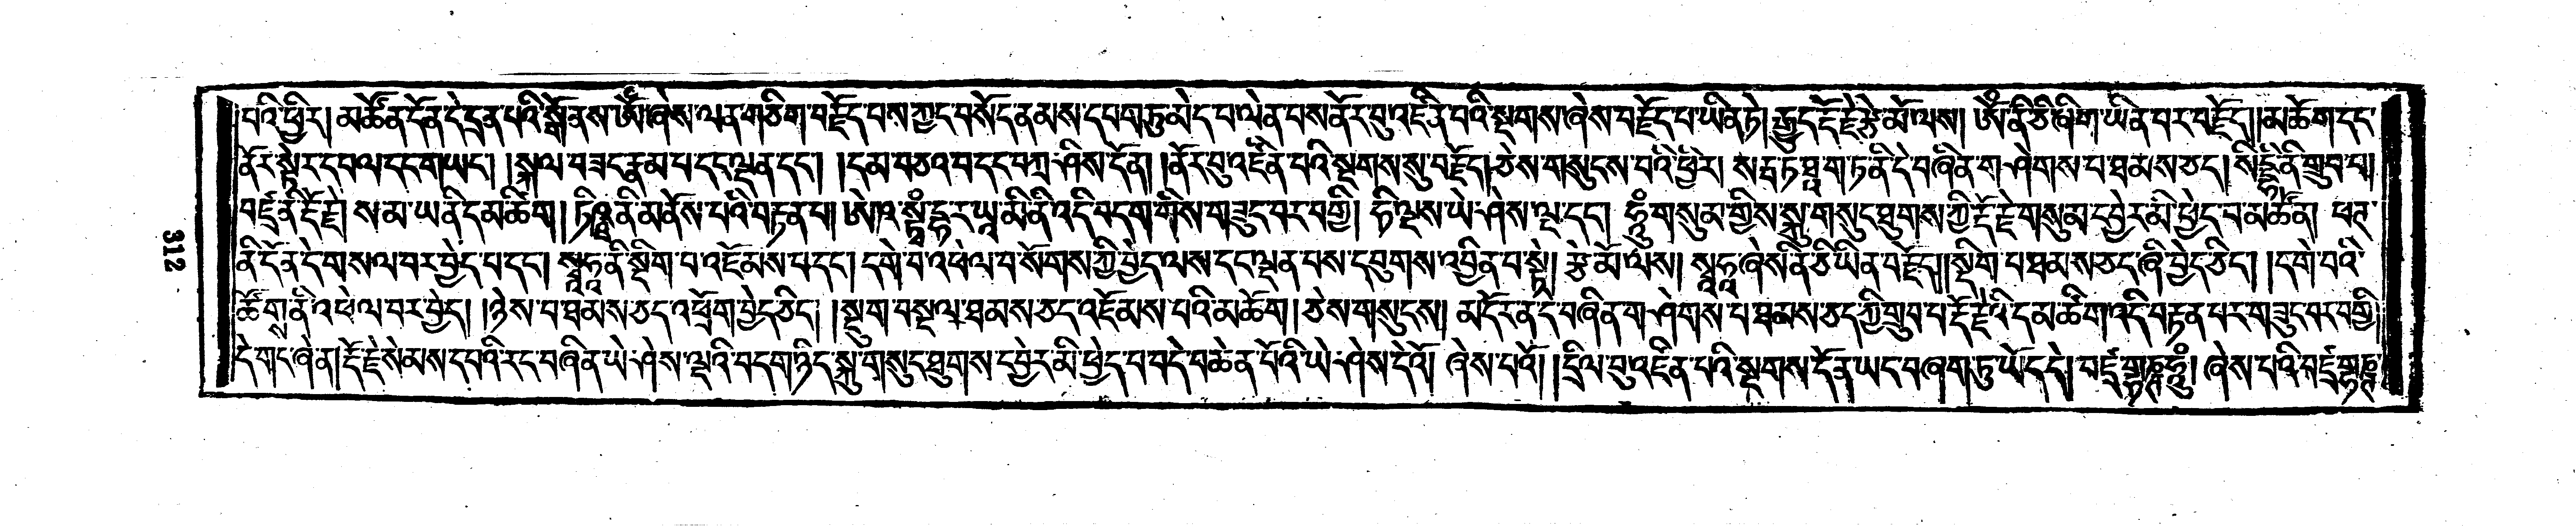བའི་ཕྱིར། མཚོན་དོན་དེ་དྲན་པའི་སྒོ་ནས་ཨོཾ་ཞེས་ལན་གཅིག་བརྗོད་པས་ཀྱང་བསོད་ནམས་དཔག་ཏུ་མེད་པ་ལེན་པས་ནོར་བུ་འཛིན་པའི་སྔགས་ཞེས་བརྗོད་པ་ཡིན་ཏེ། རྒྱུད་རྡོ་རྗེ་རྩེ་མོ་ལས། ཨོཾ་ནི་ཅི་ཞིག་ཡིན་པར་བརྗོད། །མཆོག་དང་
ནོར་སྟེར་དཔལ་དང་གཡལ། །སྐལ་བཟང་རྣམ་པ་དང་ལྡན་དང་། །དམ་བཅའ་བ་དང་བཀྲ་ཤིས་དོན། །ནོར་བུ་འཛིན་པའི་སྔགས་སུ་བརྗོད། ཅེས་གསུངས་པའི་ཕྱིར། སརྦ་ཏ་ཐཱ་ག་ཏ་ནི་དེ་བཞིན་གཤེགས་པ་ཐམས་ཅད། སིདྡྷི་ནི་གྲུབ་པ།
བཛྲ་ནི་རྡོ་རྗེ། ས་མ་ཡ་ནི་དམ་ཚིག །ཏིཥཊཿཨ་ནི་མནོས་པའི་བརྟེན་པ། ཨེ་ཥ་སྟྭཾ་དྷར་ཡཱ་མི་ནི་འདི་བདག་གིས་གཟུང་བར་བགྱི། ཧི་ལྔས་ཡེ་ཤེས་ལྔ་དང་། ཧཱུཾ་གསུམ་གྱིས་སྐུ་གསུང་ཐུགས་ཀྱི་རྡོ་རྗེ་གསུམ་དབྱེར་མི་ཕྱེད་པ་མཚོན། ཕཊ་
ནི་དོན་དེ་གསལ་བར་བྱེད་པ་དང་། སྭཱ་ཧཱ་ནི་སྡིག་པ་འཇོམས་པ་དང་། དགེ་བ་འཕེལ་བ་སོགས་ཀྱི་བྱེད་ལས་དང་ལྡན་པས་དབུགས་འབྱིན་པ་སྟེ། རྩེ་མོ་ལས། སྭཱ་ཧཱ་ཞེས་ནི་ཅི་ཡིན་བརྗོད། །སྡིག་པ་ཐམས་ཅད་ཞི་བྱེད་ཅིང་། །དགེ་བའི་
ཚོགས་ནི་འཕེལ་བར་བྱེད། །ཉེས་པ་ཐམས་ཅད་འཕྲོག་བྱེད་ཅིང་། །སྡུག་བསྔལ་ཐམས་ཅད་འཇོམས་པའི་མཆོག །ཅེས་གསུངས། མདོར་ན་དེ་བཞིན་གཤེགས་པ་ཐམས་ཅད་ཀྱི་གྲུབ་པ་རྡོ་རྗེའི་དམ་ཚིག་འདི་བརྟན་པར་གཟུང་བར་བགྱི།
དེ་གང་ཞེ་ན། རྡོ་རྗེ་སེམས་དཔའི་རང་བཞིན་ཡེ་ཤེས་ལྔའི་བདག་ཉིད་སྐུ་གསུང་ཐུགས་དབྱེར་མི་ཕྱེད་པ་བདེ་བ་ཆེན་པོའི་ཡེ་ཤེས་དེའོ། ཞེས་པའོ། །དྲིལ་བུ་འཛིན་པའི་སྔགས་དོན་ཡང་བཞག་ཏུ་ཡོད་དེ། བཛྲ་གྷཎྚ་ཧཱུཾ། ཞེས་པའི་བཛྲ་གྷཎྚ་